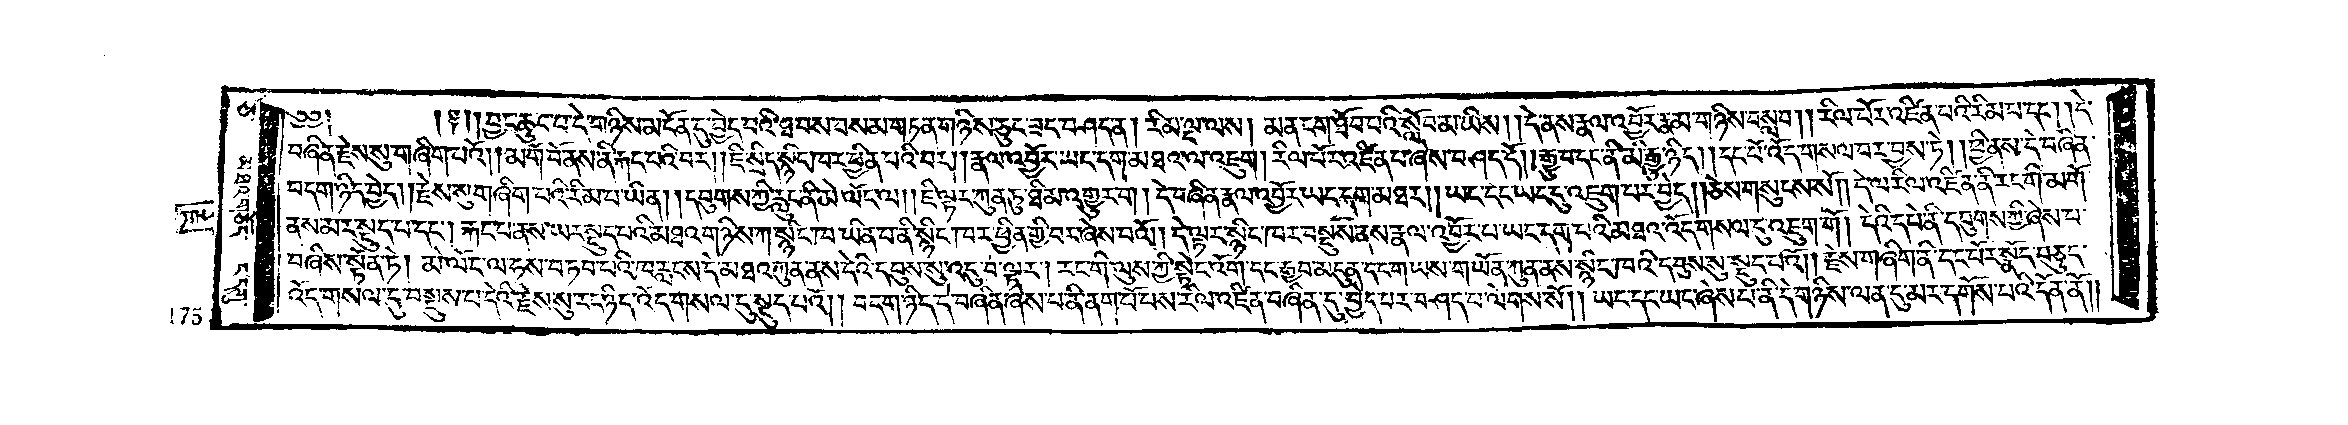༄༅། ༈ །།བྱང་ཆུབ་པ་དེ་གཉིས་མངོན་དུ་བྱེད་པའི་ཐབས་བསམ་གཏན་གཉིས་ཅུང་ཟད་བཤད་ན། རིམ་ལྔ་ལས། མན་ངག་ཐོབ་པའི་སློབ་མ་ཡིས། །དེ་ནས་རྣལ་འབྱོར་རྣམ་གཉིས་བསླབ། །རིལ་པོར་འཛིན་པའི་རིམ་པ་དང་། །དེ་
བཞིན་རྗེས་སུ་གཞིག་པའོ། །མགོ་བོ་ནས་ནི་རྐང་པའི་བར། །ཇི་སྲིད་སྙིང་ཁར་ཕྱིན་པའི་བར། །རྣལ་འབྱོར་ཡང་དག་མཐའ་ལ་འཇུག །རིལ་པོར་འཛིན་པ་ཞེས་བཤད་དོ། །རྒྱུ་བ་དང་ནི་མི་རྒྱུ་ཉིད། །དང་པོ་འོད་གསལ་བར་བྱས་ཏེ། །ཕྱི་ནས་དེ་བཞིན་
བདག་ཉིད་བྱེད། །རྗེས་སུ་གཞིག་པའི་རིམ་པ་ཡིན། །དབུགས་ཀྱི་རླུང་ནི་མེ་ལོང་ལ། །ཇི་ལྟར་ཀུན་ཏུ་ཐིམ་འགྱུར་བ། །དེ་བཞིན་རྣལ་འབྱོར་ཡང་དག་མཐར། །ཡང་དང་ཡང་དུ་འཇུག་པར་བྱེད། །ཅེས་གསུངས་སོ། །དེ་ལ་རིལ་འཛིན་ནི་རང་གི་མགོ་
ནས་མར་སྡུད་པ་དང་། རྐང་པ་ནས་ཡར་སྡུད་པའི་མཐའ་གཉིས་ཀ་སྙིང་ཁ་ཡིན་པ་ནི་སྙིང་ཁར་ཕྱིན་གྱི་བར་ཞེས་པའོ། །དེ་ལྟར་སྙིང་ཁར་བསྡུས་ནས་རྣལ་འབྱོར་པ་ཡང་དག་པའི་མཐའ་འོད་གསལ་དུ་འཇུག་གོ །དེའི་དཔེ་ནི་དབུགས་ཀྱི་ཞེས་པ་
བཞིས་སྟེན་ཏེ། མེ་ལོང་ལ་ཧས་བཏབ་པའི་ཁ་རླངས་དེ་མཐའ་ཀུན་ནས་དེའི་དབུས་སུ་འདུ་བ་ལྟར། རང་གི་ལུས་ཀྱི་སྟེང་འོག་དང་རྒྱབ་མདུན་དང་གཡས་གཡོན་ཀུན་ནས་སྙིང་ཁའི་དབུས་སུ་སྡུད་པའོ། །རྗེས་གཞིག་ནི་དང་པོར་སྣོད་བཅུད་
འོད་གསལ་དུ་བསྡུས་པ་དེའི་རྗེས་སུ་རང་ཉིད་འོད་གསལ་དུ་སྡུད་པའོ། །བདག་ཉིད་དེ་བཞིན་ཞེས་པ་ནི་ནག་པོ་པས་རིལ་འཛིན་བཞིན་དུ་བྱེད་པར་བཤད་པ་ལེགས་སོ། །ཡང་དང་ཡང་ཞེས་པ་ནི་དེ་གཉིས་ལན་དུ་མར་དགོས་པའི་དོན་ནོ། །